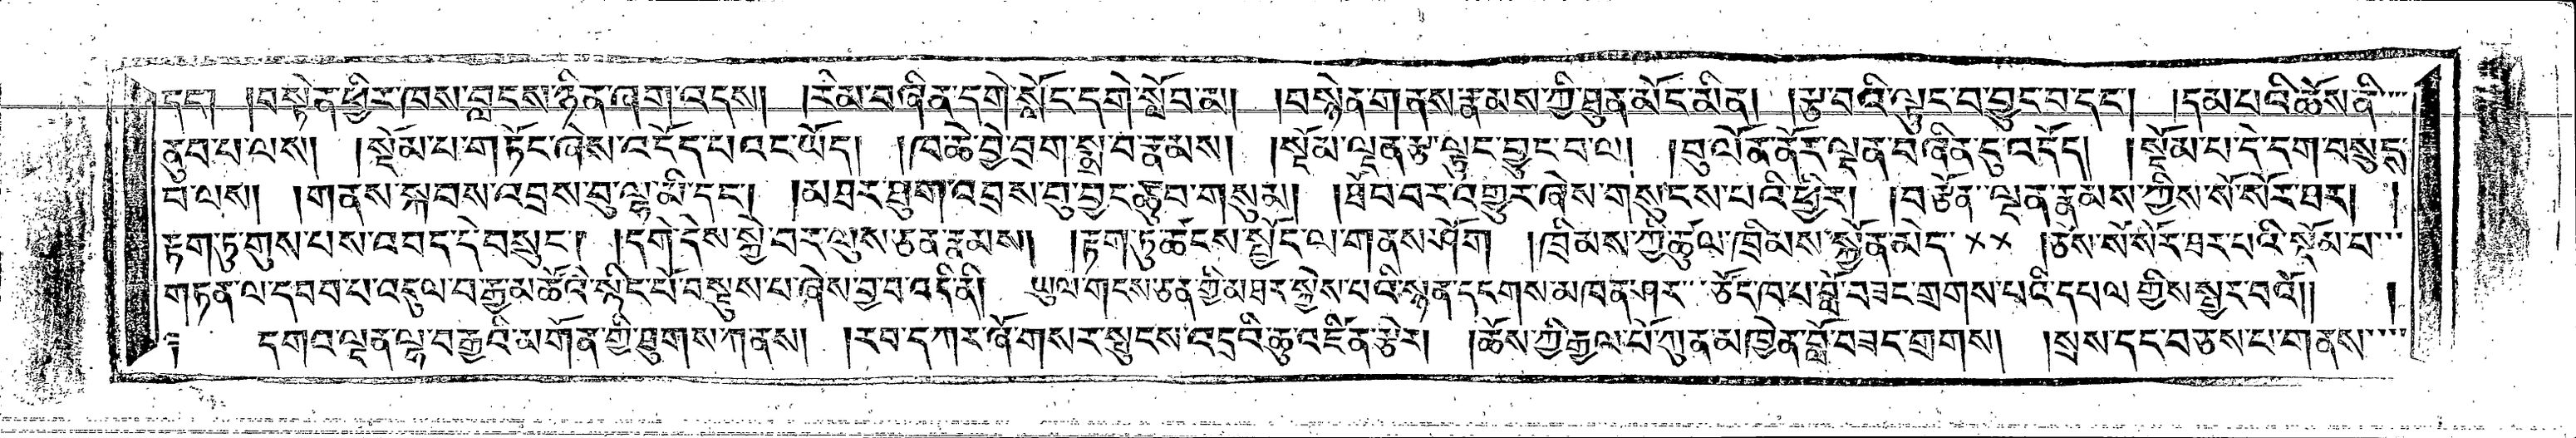དང་། བསྟེན་ཕྱིར་ཁས་བླངས་ཉིན་ཞག་འདས། །རིམ་བཞིན་དགེ་སློང་དགེ་སློབ་མ། །བསྙེན་གནས་རྣམས་ཀྱི་ཐུན་མོང་མིན། །རྩ་བའི་ལྟུང་བ་བྱུང་བ་དང་། །དམ་པའི་ཆོས་ནི་
ནུབ་པ་ལས། །སྡོམ་པ་གཏོང་ཞེས་འདོད་པའང་ཡོད། །ཁ་ཆེ་བྱེ་བྲག་སྨྲ་བ་རྣམས། །སྡོམ་ལྡན་རྩ་ལྟུང་བྱུང་བ་ལ། །བུ་ལོན་ནོར་ལྡན་བཞིན་དུ་འདོད། །སྡོམ་པ་དེ་དག་གསུངས་
བ་ལས། །གནས་སྐབས་འབྲས་བུ་ལྷ་མི་དང་། །མཐར་ཐུག་འབྲས་བུ་བྱང་ཆུབ་གསུམ། །ཐོབ་བར་འགྱུར་ཞེས་གསུངས་པའི་ཕྱིར། །བཙོན་ལྡན་རྣམས་ཀྱིས་སོ་སོར་ཐར། །
རྟག་ཏུ་གུས་པས་འབད་དེ་བསྲུང་། །དགེ་དེས་སྐྱེ་བར་ལུས་ཅན་རྣམས། །རྟག་ཏུ་ཚངས་སྤྱོད་ལ་གནས་ཤོག །ཁྲིམས་ཀྱི་ཚུལ་ཁྲིམས་སྐྱོན་མེད་{྾}་{྾}་།ཅེས་སོ་སོར་ཐར་བའི་སྡོམ་པ་
གཏན་ལ་དབབ་པ་འདུལ་བ་རྒྱ་མཚོའི་སྙིང་པོ་བསྡུས་པ་ཞེས་བྱ་བ་འདི་ནི། ཡུལ་གངས་ཅན་གྱི་མཐར་སྐྱེས་པའི་སྙན་དངགས་མཁན་ཤར་ཙོང་ཁ་བ་བློ་བཟང་གྲགས་པའི་དཔལ་གྱིས་སྦྱར་བའོ།། །
༈ དགའ་ལྡན་ལྷ་བརྒྱའི་མགོན་གྱི་ཐུགས་ཀ་ནས། །རབ་དཀར་ཞོ་གསར་སྤུངས་འདྲའི་ཆུ་འཛིན་རྩེར། །ཆོས་ཀྱི་རྒྱལ་པོ་ཀུན་མཁྱེན་བློ་བཟང་གྲགས། །སྲས་དན་བཅས་པ་གནས་